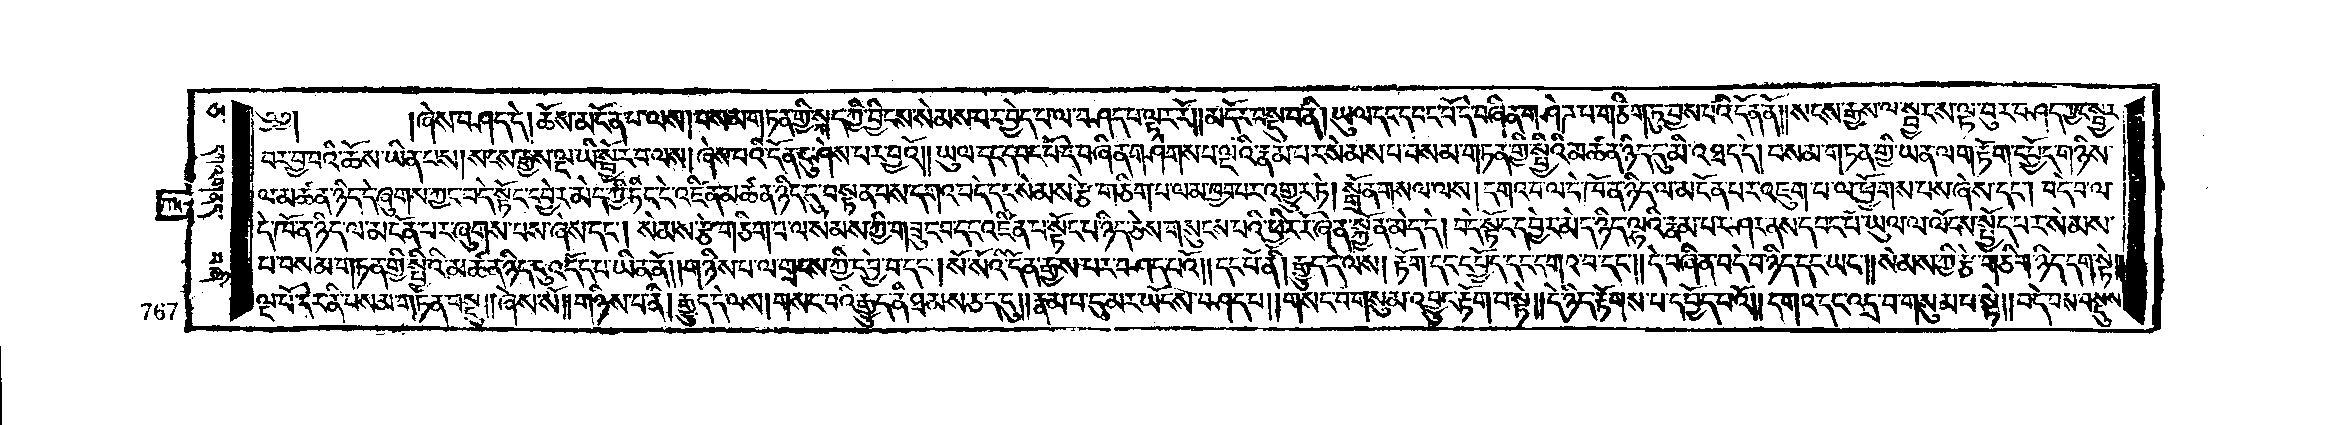༄༅། །ཞེས་བཤད་དེ། ཆོས་མངོན་པ་ལས། བསམ་གཏན་གྱི་སྐད་ཀྱི་བྱིངས་སེམས་པར་བྱེད་པ་ལ་བཤད་པ་ལྟར་རོ། །མདོར་བསྡུ་བ་ནི། ཡུལ་དང་དབང་པོ་དེ་བཞིན་གཤེགས་པ་གཅིག་ཏུ་བྱས་པའི་དོན་ནོ། །སངས་རྒྱས་ལྔ་སྦྱར་ས་ལྟ་བུར་བཤད་ཀྱང་སྦྱར་
བར་བྱ་བའི་ཆོས་ཡིན་པས། སངས་རྒྱས་ལྔ་ཡི་སྦྱོར་བ་ལས། ཞེས་པའི་དོན་དུ་ཤེས་པར་བྱའོ། །ཡུལ་དང་དབང་པོ་དེ་བཞིན་གཤེགས་པ་ལྔའི་རྣམ་པར་སེམས་པ་བསམ་གཏན་གྱི་སྤྱིའི་མཚན་ཉིད་དུ་མི་འཐད་དེ། བསམ་གཏན་གྱི་ཡན་ལག་རྟོག་དཔྱོད་གཉིས་
ལ་མཚན་ཉིད་དེ་ཞུགས་ཀྱང་བདེ་སྟོང་དབྱེར་མེད་ཀྱི་ཏིང་ངེ་འཛིན་མཚན་ཉིད་དུ་བསྟན་པས་དགའ་བདེ་དང་སེམས་རྩེ་གཅིག་པ་ལ་མ་ཁྱབ་པར་འགྱུར་ཏེ། སྒྲོན་གསལ་ལས། དགའ་བ་ལ་དེ་ཁོ་ན་ཉིད་ལ་མངོན་པར་འཇུག་པ་ལ་ཕྱོགས་པས་ཞེས་དང་། བདེ་བ་ལ་
དེ་ཁོ་ན་ཉིད་ལ་མངོན་པར་ཞུགས་པས་ཞེས་དང་། སེམས་རྩེ་གཅིག་པ་ལ་སེམས་ཀྱི་གཟུང་བ་དང་འཛིན་པ་སྟོང་པ་ཉིད་ཅེས་གསུངས་པའི་ཕྱིར་རོ་ཞེ་ན་སྐྱོན་མེད་དེ། བདེ་སྟོང་དབྱེར་མེད་ཉིད་ལྷའི་རྣམ་པར་ཤར་ནས་དབང་པོ་ཡུལ་ལ་ལོངས་སྤྱོད་པར་སེམས་
པ་བསམ་གཏན་གྱི་སྤྱིའི་མཚན་ཉིད་དུ་འདོད་པ་ཡིན་ནོ། །གཉིས་པ་ལ་གྲངས་ཀྱི་དབྱེ་བ་དང་། སོ་སོའི་དོན་རྒྱས་པར་བཤད་པའོ། །དང་པོ་ནི། རྒྱུད་དེ་ལས། རྟོག་དང་དཔྱོད་དང་དགའ་བ་དང་། །དེ་བཞིན་བདེ་བ་ཉིད་དང་ཡང་། །སེམས་ཀྱི་རྩེ་གཅིག་ཉིད་དག་སྟེ། །
ལྔ་པོ་དེར་ནི་བསམ་གཏན་བསྡུ། །ཞེས་སོ། །གཉིས་པ་ནི། རྒྱུད་དེ་ལས། གསང་བའི་རྒྱུད་ནི་ཐམས་ཅད་དུ། །རྣམ་པ་དུ་མར་ཡོངས་བཤད་པ། །གསང་བ་གསུམ་འབྱུང་རྟོག་པ་སྟེ། །དེ་ཉིད་རྟོགས་པ་དཔྱོད་པའོ། །དགའ་དང་འདྲ་བ་གསུམ་པ་སྟེ། །བདེ་བས་བསྡུས་